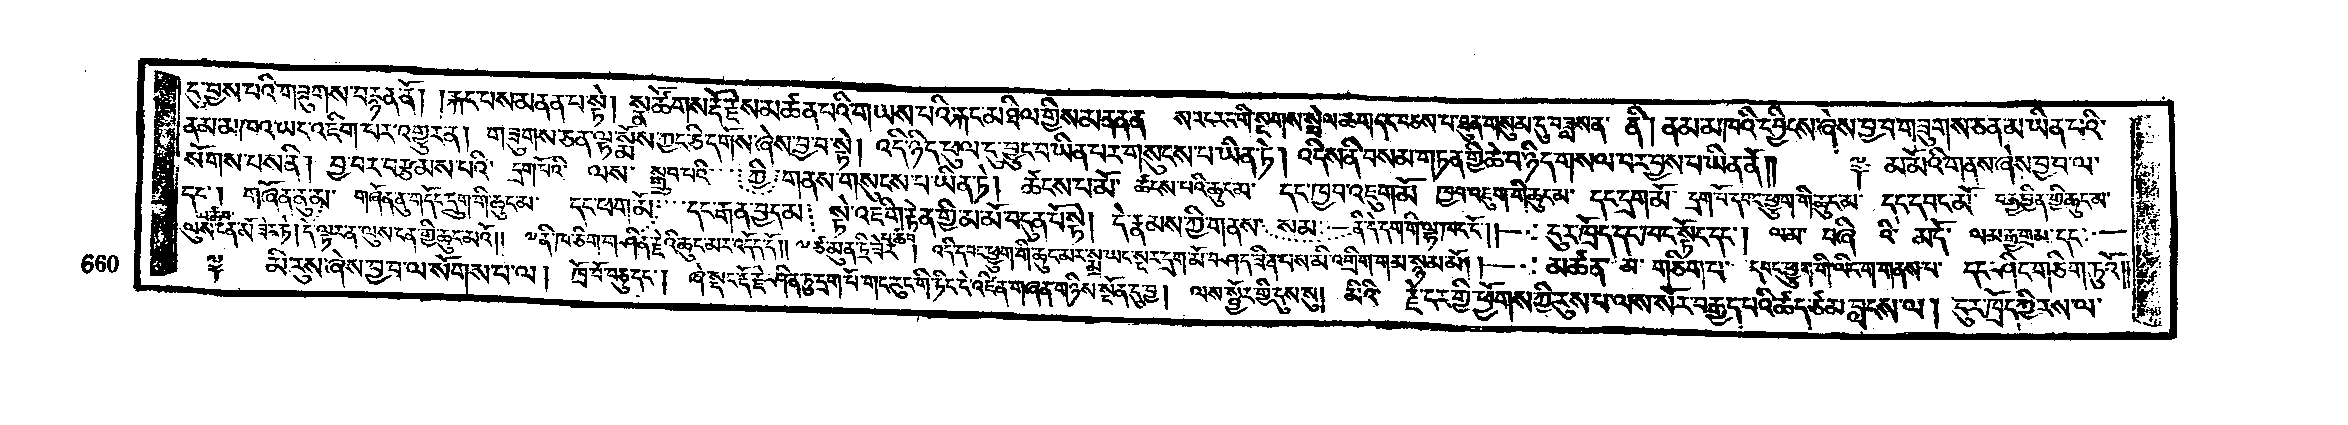དུ་བྱས་པའི་གཟུགས་བརྙན་ནོ། །རྐང་པས་མནན་པ་སྟེ། སྣ་ཚོགས་རྡོ་རྗེས་མཚན་པའི་གཡས་པའི་རྐང་མཐིལ་གྱིས་མནན་ན་ས་རང་རང་གི་སྔགས་སྤེལ་ཚིག་དང་བཅས་པ་ཐུན་གསུམ་དུ་བཟླས་ན་ནི། ནམ་མཁའི་དབྱིངས་ཞེས་བྱ་བ་གཟུགས་ཅན་མ་ཡིན་པའི་
ནམ་མཁའ་ཡང་འཇིག་པར་འགྱུར་ན། གཟུགས་ཅན་ལྟ་སྨོས་ཀྱང་ཅི་དགོས་ཞེས་བྱ་བ་སྟེ། འདི་ཉིད་ཕུལ་དུ་བྱུང་བ་ཡིན་པར་གསུངས་པ་ཡིན་ཏེ། འདིས་ནི་བསམ་གཏན་གྱི་ཆེ་བ་ཉིད་གསལ་བར་བྱས་པ་ཡིན་ནོ།། ༈ མ་མོའི་གནས་ཞེས་བྱ་བ་ལ་
སོགས་པས་ནི། བྱ་བར་བརྩམས་པའི་དྲག་པོའི་ལས་སྒྲུབ་པའི་ཀྱི་གནས་གསུངས་པ་ཡིན་ཏེ། ཚངས་པ་མོ་ཚངས་པའི་ཆུང་མ་དང་ཁྱབ་འཇུག་མོ་ཁྱབ་འཇུག་གི་ཆུང་མ་དང་དྲག་མོ་དྲག་པོ་དབང་ཕྱུག་གི་ཆུང་མ་དང་དབང་མོ་བརྒྱ་བྱིན་གྱི་ཆུང་མ་
དང་། གཞོན་ནུ་མ་གཞོན་ནུ་གདོང་དྲུག་གི་ཆུང་མ་དང་ཕག་མོ་དང་རྒན་བྱད་མ་སྟེ་འཇིག་རྟན་གྱི་མ་མོ་བདུན་པོ་སྟེ། དེ་རྣམས་ཀྱི་གནས་སམ་ནི་དེ་དག་གི་ལྷ་ཁང་ངོ། །.H དུར་ཁྲོད་དང་ཁང་སྟོང་དང་། ལམ་བཞིའི་མདོ་ལམ་རྒྱ་གམ་དངཿ
ལུས་ངན་མོ་ཟེར་ཏེ། དེ་ལྟར་ན་ལུས་ངན་གྱི་ཆུང་མའོ། ། ༧ནི་ཁ་ཅིག་གཤིན་རྗེའི་ཆུང་མར་འདོད་དོ། །༧ཙ་མུན་དྲི་ཟེར། འདི་དབང་ཕྱུག་གི་ཆུང་མར་སྨྲ་ཡང་སྔར་དྲག་མོ་བཤད་ཟིན་པས་མི་འགྲིག་གམ་སྙམ་མོ། །.Hམཚན་མ་གཅིག་པ་དབང་ཕྱུག་གི་སིང་ག་གནས་པ་དང་ཤིང་གཅིག་ཏུའོ།།
༈ མི་རུས་ཞེས་བྱ་བ་ལ་སོགས་པ་ལ། ཁྲོ་བོ་བཅུ་དང་། ཞེ་སྡང་རྡོ་རྗེ་ཤིན་ཏུ་དྲག་པོ་གང་རུང་གི་ཏིང་ངེ་འཛིན་གཞན་གཉིས་སྔོན་དུ་བྱ། ལས་སྦྱོར་གྱི་དུས་སུ། མིའི་རྗེ་ངར་གྱི་ཕྱོགས་ཀྱི་རུས་པ་ལས་སོར་བརྒྱད་པའི་ཚད་ཙམ་བླངས་ལ། ངུར་ཁྲོད་ཀྱི་རས་ལ་